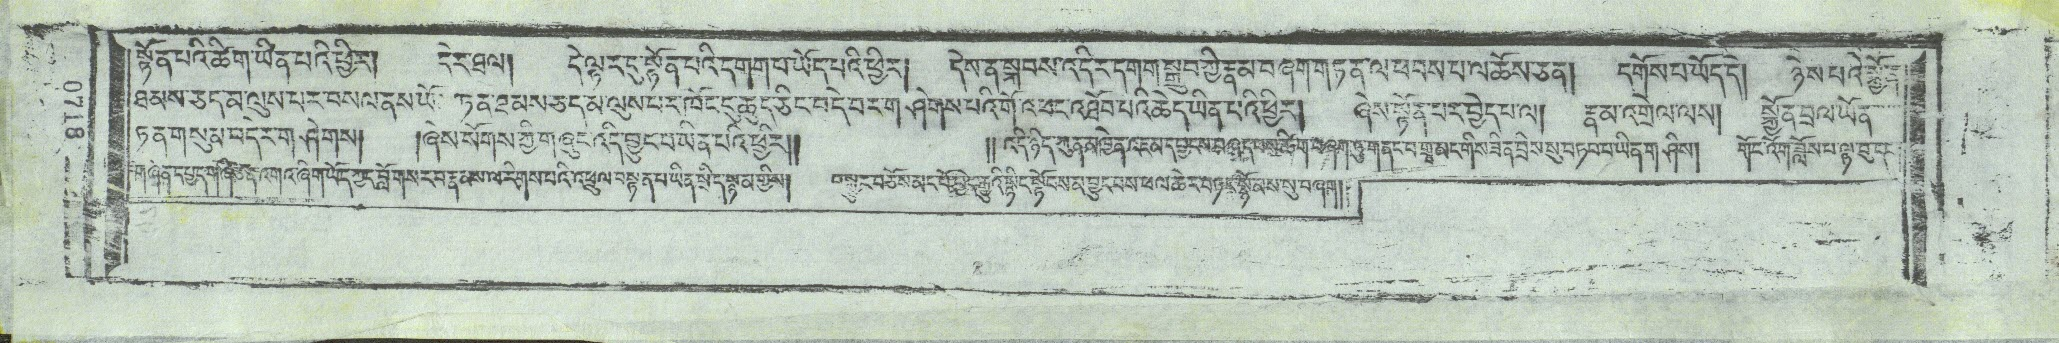སྟོན་པའི་ཚིག་ཡིན་པའི་ཕྱིར། དེར་ཐལ། དེ་ལྟར་དུ་སྟོན་པའི་དགག་པ་ཡོད་པའི་ཕྱིར། དེས་ན་སྐབས་འདིར་དགག་སྒྲུབ་ཀྱི་རྣམ་བཞག་གཏན་ལ་ཕབས་པ་ལ་ཆོས་ཅན། དགོས་པ་ཡོད་དེ། ཉེས་པའི་སྐྱོན་
ཐམས་ཅད་མ་ལུས་པར་བསལ་ནས་ཡོན་ཏན་ཐམས་ཅད་མ་ལུས་པར་ཁོང་དུ་ཆུད་ཅིང་བདེ་བར་གཤེགས་པའི་གོ་འཕང་འཐོབ་པའི་ཆེད་ཡིན་པའི་ཕྱིར། ཞེས་སྟོན་པར་བྱེད་པ་ལ། རྣམ་འགྲེལ་ལས། སྐྱོན་བྲལ་ཡོན་
ཏན་གསུམ་བདེར་གཤེགས། །ཞེས་སོགས་ཀྱི་གཞུང་འདི་བྱུང་བ་ཡིན་པའི་ཕྱིར།། །།འདི་ཉིད་ཀུན་མཁྱེན་འཇམ་དབྱངས་བཞད་པས་ཚིག་བཞག་ཏུ་གནང་བ་གྲྭ་མང་གིས་ཟིན་བྲིས་སུ་བཏབ་པ་ཡིན་གཤིས། གོང་འོག་ཟློས་པ་ལྟ་བུ་དང་
གཞན་དབྱད་གཞི་ཅན་འགའ་ཞིག་ཡོད་ཀྱང་བློ་གསར་བ་རྣམས་ལ་རིགས་པའི་འཕྲུལ་བསྟན་པ་ཡིན་སྲིད་སྙམ་གྱིས། བསྒྱུར་བཅོས་མང་པོ་བྱེད་རྒྱུའི་སྟེང་སྟོངས་མ་བྱུང་བས་ཕལ་ཆེར་བཏང་སྙོམས་སུ་བཞག།